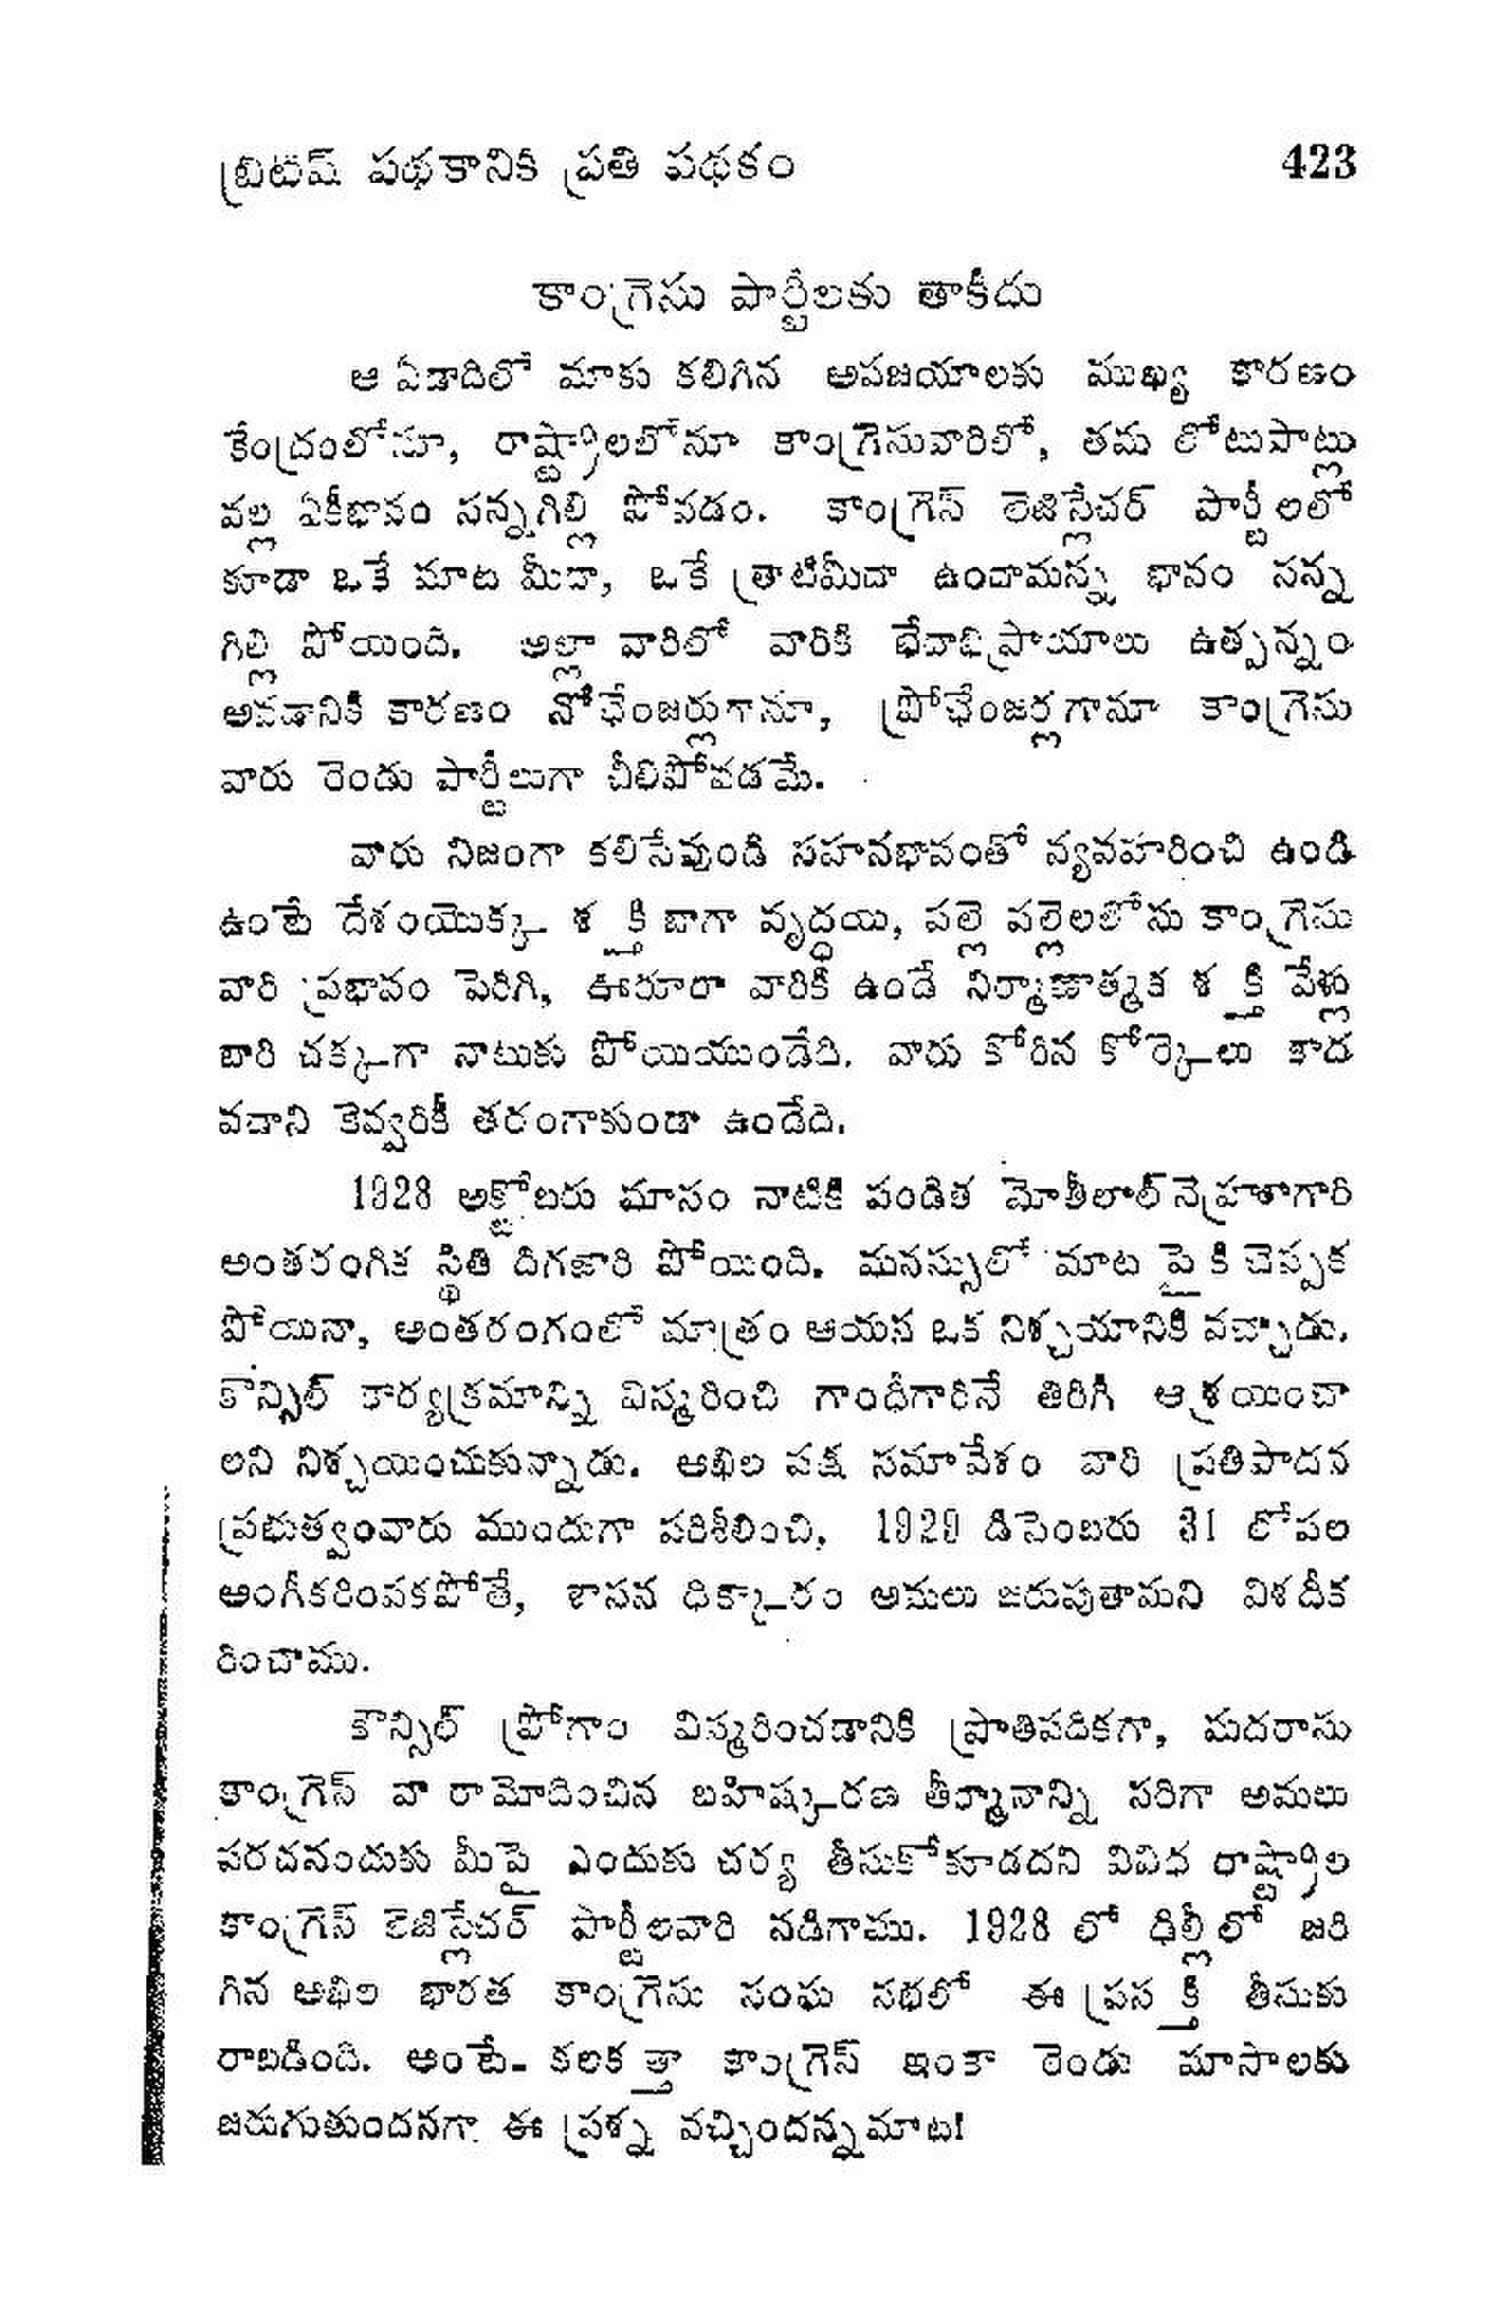ఆ ఏడాదిలో మాకు కలిగిన అపజయాలకు ముఖ్య కారణం కేంద్రంలోనూ, రాష్ట్రాలలోనూ కాంగ్రెసువారిలో, తమ లోటుపాట్లు వల్ల ఏకీభావం సన్నగిల్లి పోవడం. కాంగ్రెస్ లెజిస్లేచర్ పార్టీలలో కూడా ఒకే మాట మీదా, ఒకే త్రాటిమీదా ఉందామన్న భావం సన్నగిల్లి పోయింది. అల్లా వారిలో వారికి భేదాభిప్రాయాలు ఉత్పన్నం అవడానికి కారణం నోఛేంజర్లుగానూ, ప్రోఛేంజర్లగానూ కాంగ్రెసువారు రెండు పార్టీలుగా చీలిపోవడమే.

వారు నిజంగా కలిసేవుండి సహనభావంతో వ్యవహరించి ఉండి ఉంటే దేశంయొక్క శక్తి బాగా వృద్దయి, పల్లె పల్లెలలోను కాంగ్రెసువారి ప్రభావం పెరిగి, ఊరూరా వారికి ఉండే నిర్మాణాత్మక శక్తి వేళ్లుబారి చక్కగా నాటుకు పోయియుండేది. వారు కోరిన కోర్కెలు కాదనడాని కెవ్వరికీ తరంగాకుండా ఉండేది.

1928 అక్టోబరు మాసం నాటికి పండిత మోతీలాల్‌నెహ్రూగారి అంతరంగిక స్థితి దిగజారి పోయింది. మనస్సులో మాట పైకి చెప్పక పోయినా, అంతరంగంలో మాత్రం ఆయన ఒక నిశ్చయానికి వచ్చాడు. కౌన్సిల్ కార్యక్రమాన్ని విస్మరించి గాంధీగారినే తిరిగి ఆశ్రయించాలని నిశ్చయించుకున్నాడు. అఖిల పక్ష సమావేశం వారి ప్రతిపాదన ప్రభుత్వంవారు ముందుగా పరిశీలించి, 1929 డిసెంబరు 31 లోపల అంగీకరింపకపోతే, శాసన ధిక్కారం అమలు జరుపుతామని విశదీకరించాము.

కౌన్సిల్ పోగ్రాం విస్మరించడానికి ప్రాతిపదికగా, మదరాసు కాంగ్రెస్ వా రామోదించిన బహిష్కరణ తీర్మానాన్ని సరిగా అమలు పరచనందుకు మీపై ఎందుకు చర్య తీసుకోకూడదని వివిద రాష్ట్రాల కాంగ్రెస్ లెజిస్లేచర్ పార్టీలవారి నడిగాము. 1928 లో డిల్లీలో జరిగిన అఖిల భారత కాంగ్రెసు సంఘ సభలో ఈ ప్రసక్తి తీసుకురాబడింది. అంటే - కలకత్తా కాంగ్రెస్ ఇంకా రెండు మాసాలకు జరుగుతుందనగా ఈ ప్రశ్న వచ్చిందన్నమాట!